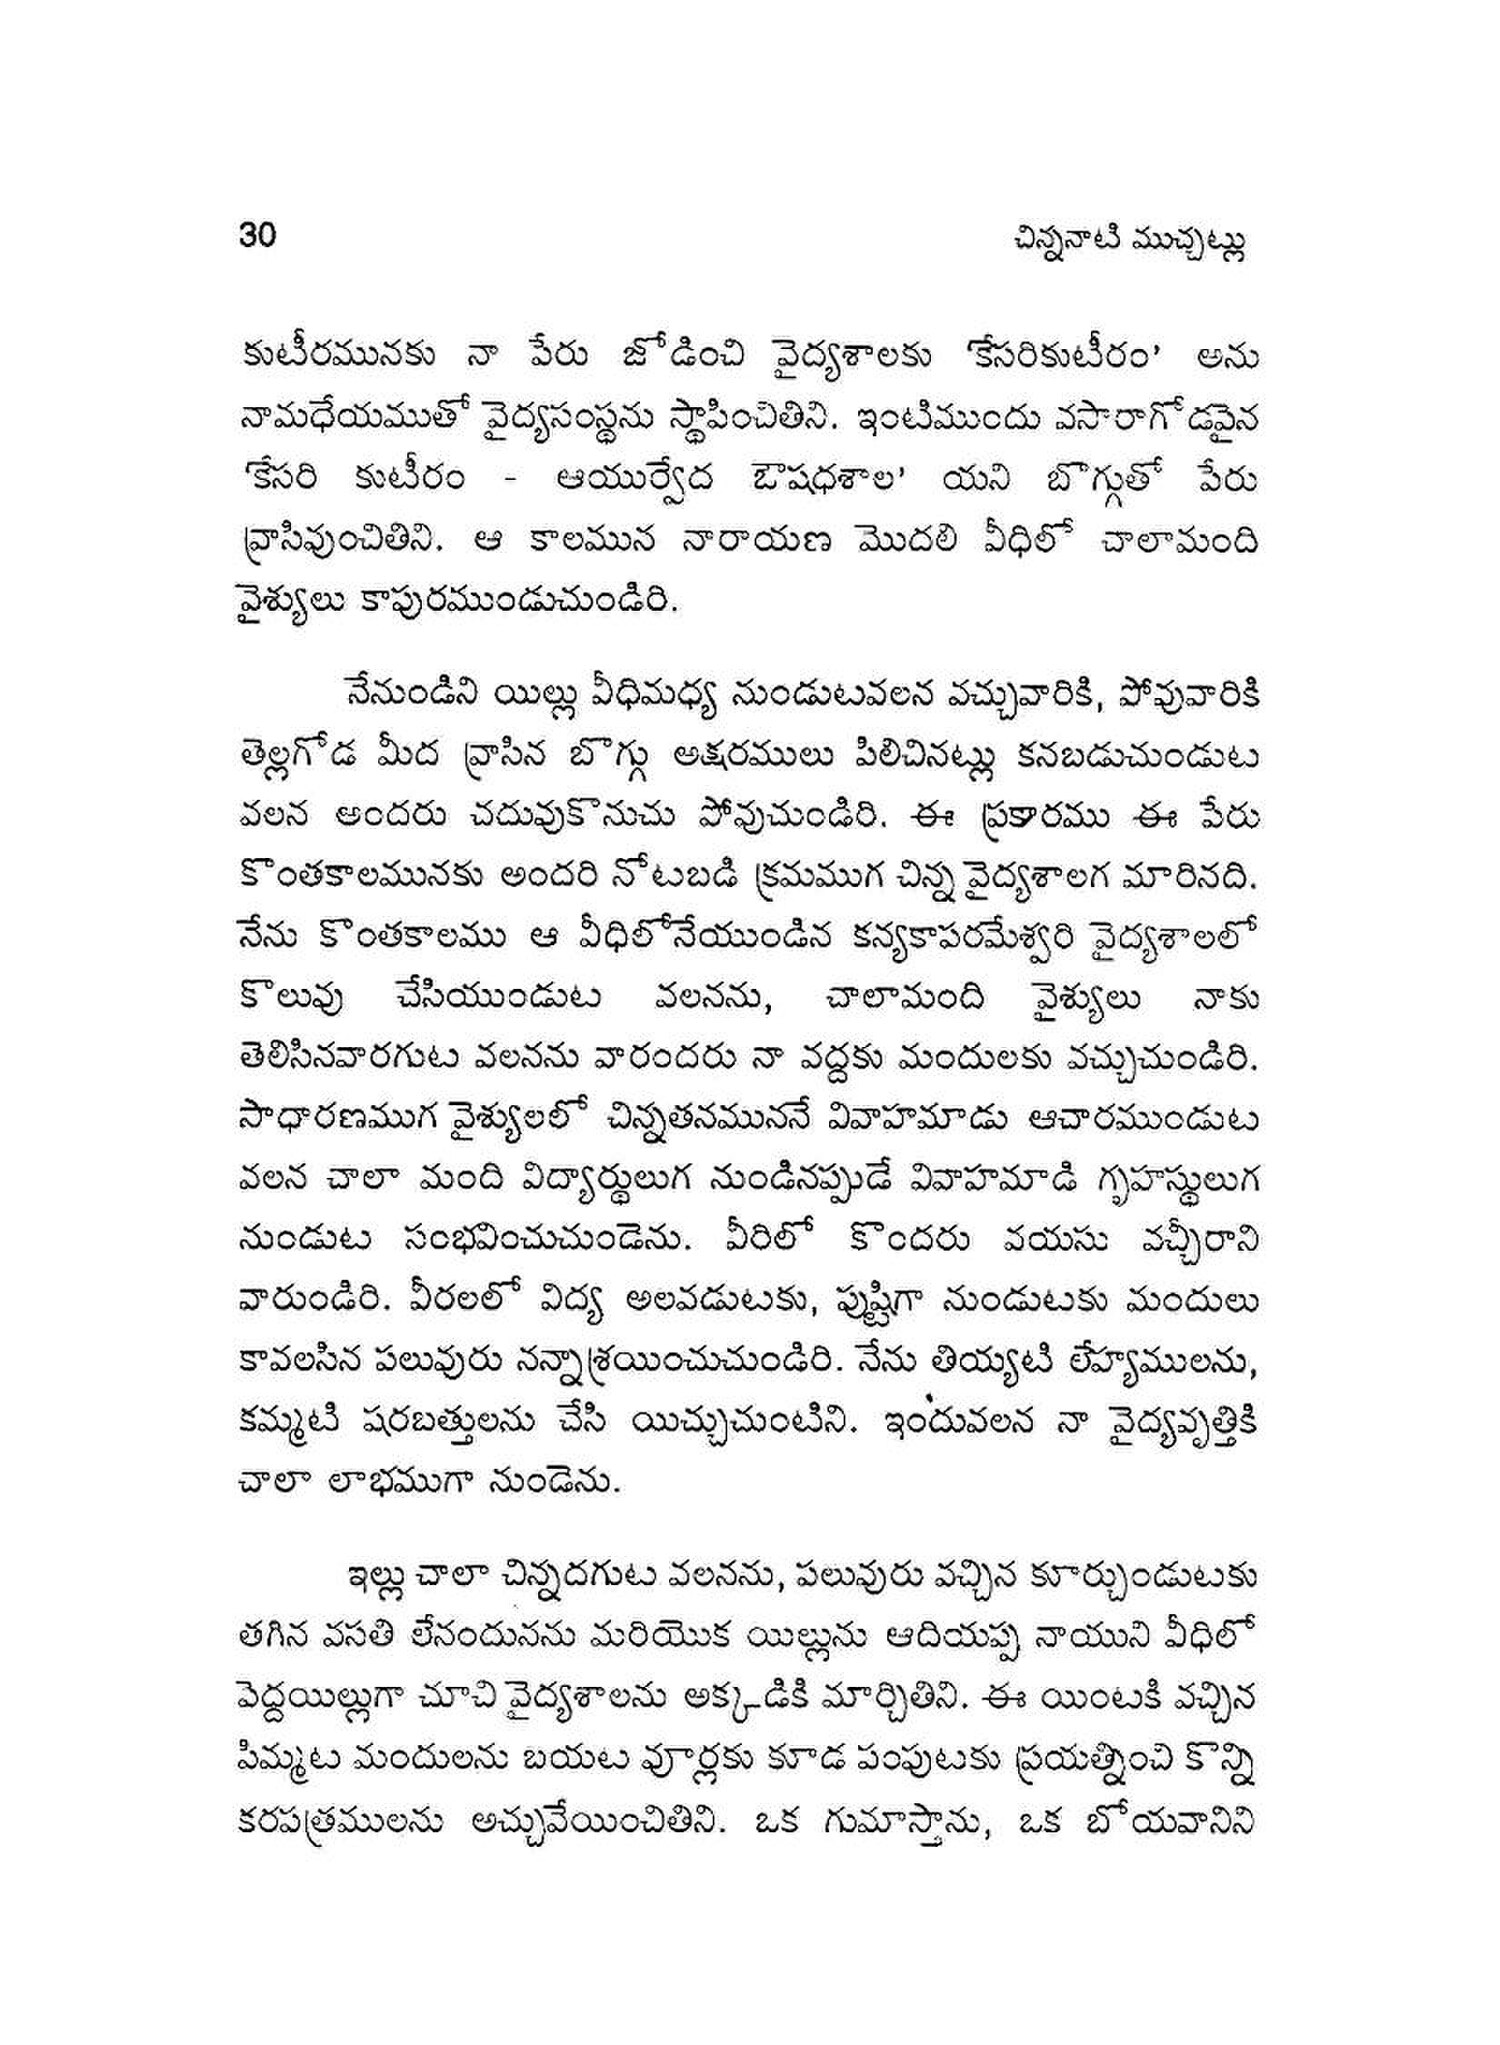కుటీరమునకు నా పేరు జోడించి వైద్యశాలకు ′కేసరికుటీరం′ అను నామధేయముతో వైద్యసంస్థను స్థాపించితిని. ఇంటిముందు వసారాగోడవైన 'కేసరి కుటీరం - ఆయుర్వేద ఔషధశాల' యని బొగ్గుతో పేరు వ్రాసివుంచితిని. ఆ కాలమున నారాయణ మొదలి వీధిలో చాలామంది వైశ్యులు కాపురముండుచుండిరి.

నేనుండిని యిల్లు వీధిమధ్య నుండుటవలన వచ్చువారికి, పోవువారికి తెల్లగోడ మీద వ్రాసిన బొగ్గు అక్షరములు పిలిచినట్లు కనబడుచుండుట వలన అందరు చదువుకొనుచు పోవుచుండిరి. ఈ ప్రకారము ఈ పేరు కొంతకాలమునకు అందరి నోటబడి క్రమముగ చిన్న వైద్యశాలగ మారినది. నేను కొంతకాలము ఆ వీధిలోనేయుండిన కన్యకాపరమేశ్వరి వైద్యశాలలో కొలువు చేసియుండుట వలనను, చాలామంది వైశ్యులు నాకు తెలిసినవారగుట వలనను వారందరు నా వద్దకు మందులకు వచ్చుచుండిరి. సాధారణముగ వైశ్యులలో చిన్నతనముననే వివాహమాడు ఆచారముండుట వలన చాలా మంది విద్యార్దులుగ నుండినప్పుడే వివాహమాడి గృహస్తులుగ నుండుట సంభవించుచుండెను. వీరిలో కొందరు వయసు వచ్చీరాని వారుండిరి. వీరలలో విద్య అలవడుటకు, పుష్టిగా నుండుటకు మందులు కావలసిన పలువురు నన్నాశ్రయించుచుండిరి. నేను తియ్యటి లేహ్యములను, కమ్మటి షరబత్తులను చేసి యిచ్చుచుంటిని. ఇందువలన నా వైద్యవృత్తికి చాలా లాభముగా నుండెను.

ఇల్లు చాలా చిన్నదగుట వలనను, పలువురు వచ్చిన కూర్చుండుటకు తగిన వసతి లేనందునను మరియొక యిల్లును ఆదియప్ప నాయుని వీధిలో పెద్దయిల్లుగా చూచి వైద్యశాలను అక్కడికి మార్చితిని. ఈ యింటకి వచ్చిన పిమ్మట మందులను బయట వూర్లకు కూడ పంపుటకు ప్రయత్నించి కొన్ని కరపత్రములను అచ్చువేయించితిని. ఒక గుమాస్తాను, ఒక బోయవానిని